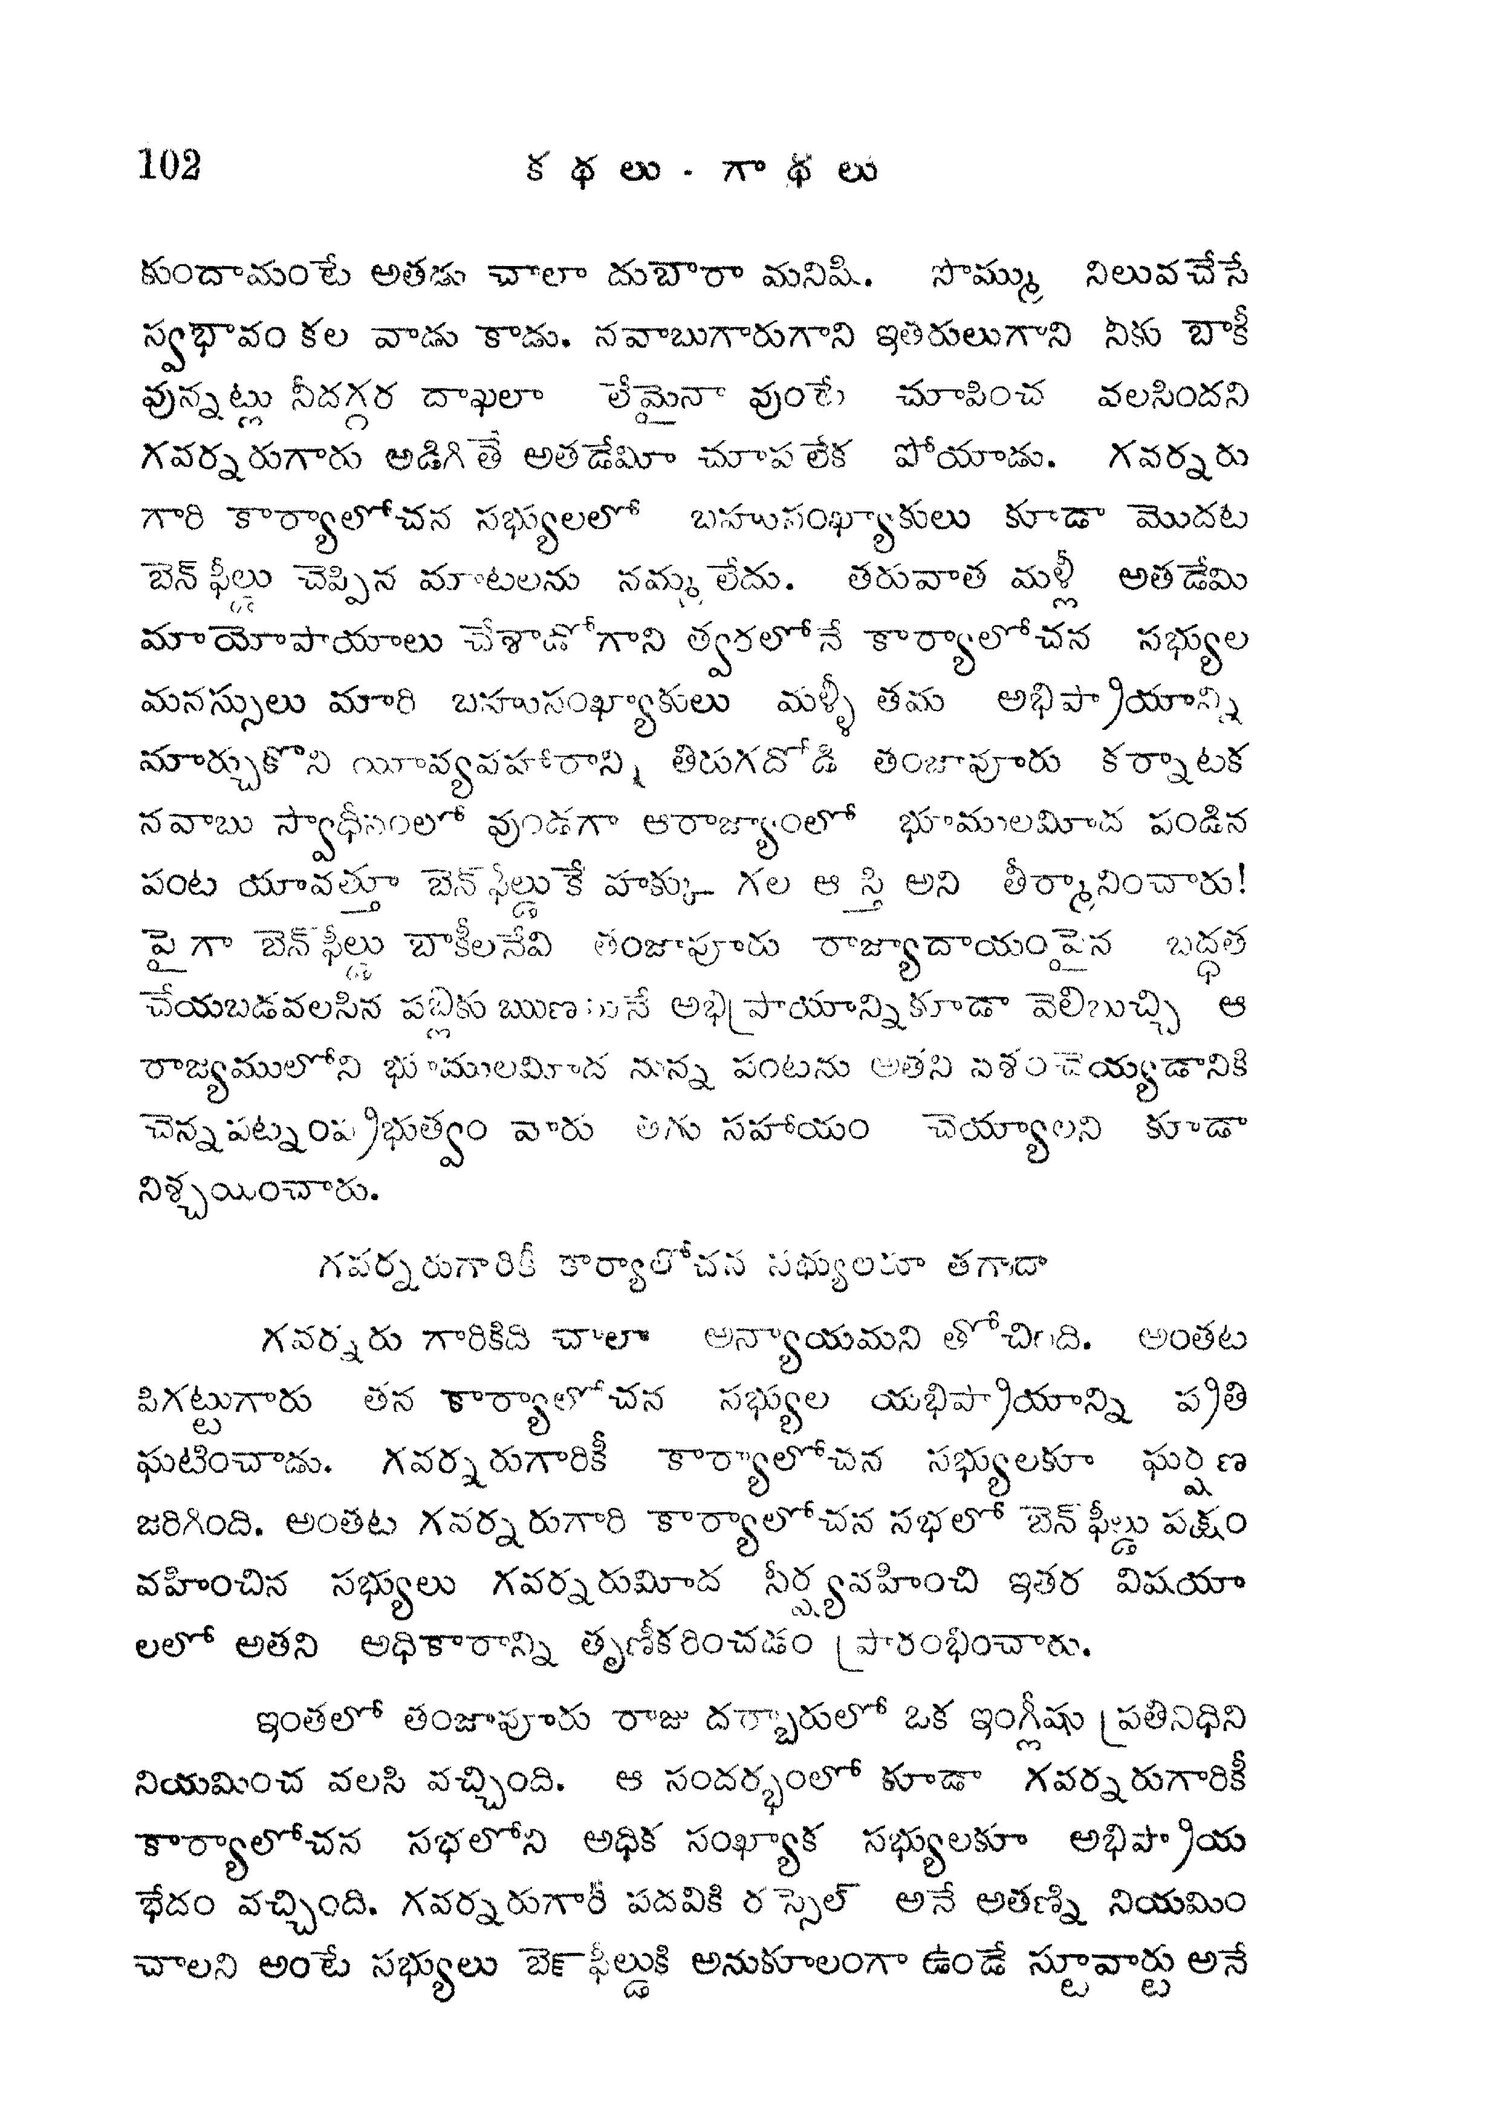కుందామంటే అతడు చాలా దుబారా మనిషి. సొమ్ము నిలువచేసే స్వభావం కల వాడు కాదు. నవాబుగారుగాని ఇతరులుగాని నీకు బాకీ వున్నట్లు నీదగ్గర దాఖలా లేమైనా వుంటే చూపించ వలసిందని గవర్నరుగారు అడిగితే అతడేమీ చూపలేక పోయాడు. గవర్నరు గారి కార్యాలోచన సభ్యులలో బహుసంఖ్యాకులు కూడా మొదట బెన్ ఫీల్డు చెప్పిన మాటలను నమ్మలేదు. తరువాత మళ్లీ అతడేమి మాయోపాయాలు చేశాడోగాని త్వరలోనే కార్యాలోచన సభ్యుల మనస్సులు మారి బహుసంఖ్యాకులు మళ్ళీ తమ అభిప్రాయాన్ని మార్చుకొని ఈవ్యవహారాన్ని తిరుగదోడి తంజావూరు కర్నాటక నవాబు స్వాధీనంలో వుండగా ఆరాజ్యాలలో భూములమీద పండిన పంట యావత్తూ బెన్ ఫీల్డుకే హక్కు గల ఆస్తి అని తీర్మానించారు! పైగా బెన్ ఫీల్డు బాకీలనేవి తంజావూరు రాజ్యాదాయంపైన బద్ధతచేయబడవలసిన పబ్లికు ఋణ మనే అభిప్రాయాన్నికూడా వెలిబుచ్చి ఆ రాజ్యములోని భూములమీద నున్న పంటను అతని వశంచెయ్యడానికి చెన్నపట్నం ప్రభుత్వం వారు తగు సహాయం చెయ్యాలని కూడా నిశ్చయించారు.

గవర్నరు గారికి చాలా అన్యాయమని తోచింది. అంతట పిగట్టుగారు తన కార్యాలోచన సభ్యుల యభిప్రాయాన్ని ప్రతిఘటించారు. గవర్నరుగారికీ కార్యాలోచన సభ్యులకూ ఘర్షణ జరిగింది. అంతట గవర్నరుగారి కార్యాలోచన సభలో బెన్ ఫీల్డు పక్షం వహించిన సభ్యులు గవర్నరుమీద నీర్ష్యవహించి ఇతర విషయాలలో అతని అధికారాన్ని తృణీకరించడం ప్రారంభించారు.

ఇంతలో తంజావూరు రాజు దర్బారులో ఒక ఇంగ్లీషు ప్రతినిధిని నియమించ వలసి వచ్చింది. ఆ సందర్భంలోకూడా గవర్నరుగారికీ కార్యాలోచన సభలోని అధిక సంఖ్యాక సభ్యులకూ అభిప్రాయ భేదం వచ్చింది. గవర్నరుగారీ పదవికి రస్సెల్ అనె అతణ్ని నియమించాలని అంటే సభ్యులు బెన్ ఫీల్డుకి అనుకూలంగ ఉండే స్టూవార్డు అనే